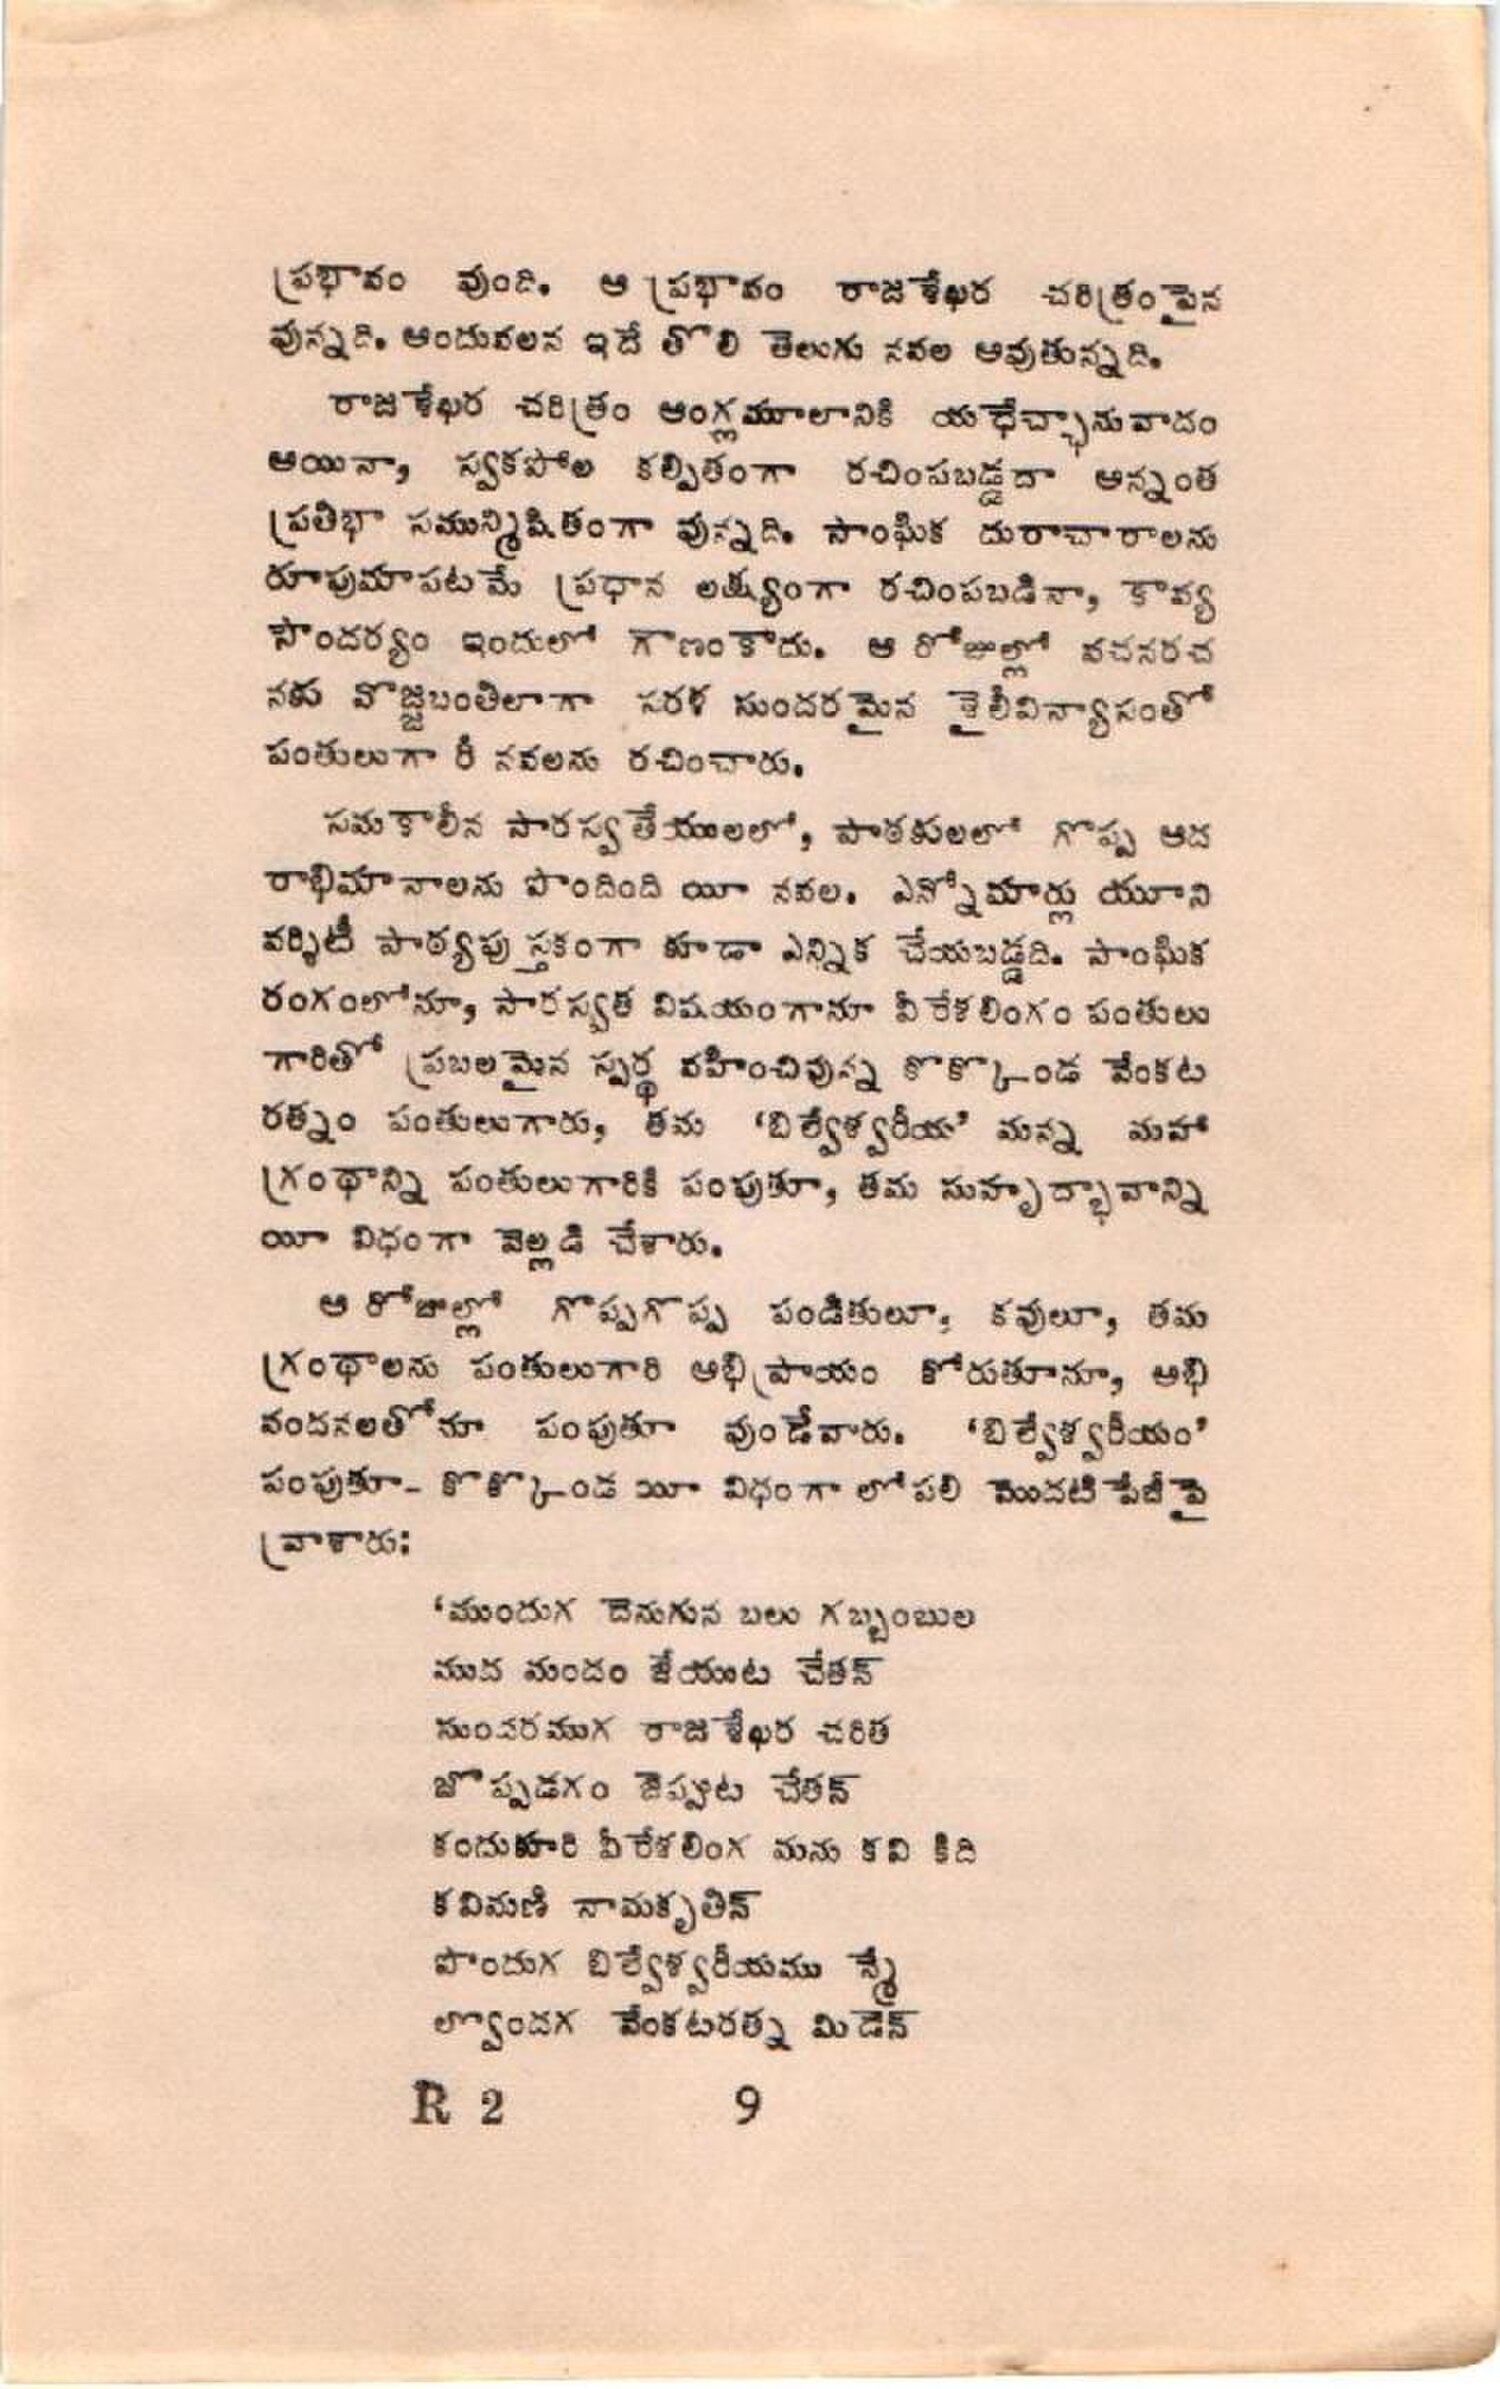ప్రభావం వుంది. ఆ ప్రభావం రాజశేఖర చరిత్రంపైన వున్నది. అందువలన ఇదే తొలి తెలుగు నవల అవుతున్నది.

రాజశేఖర చరిత్రం ఆంగ్లమూలానికి యధేచ్ఛానువాదం అయినా స్వకపోల కల్పితంగా రచింపబడ్డదా అన్నంత ప్రతిభా సమున్మిషితంగా వున్నది. సాంఘిక దురాచారాలను రూపుమాపటమే ప్రధాన లక్ష్యంగా రచింపబడినా, కావ్య సౌందర్యం ఇందులో గౌణం కాదు. ఆ రోజుల్లో వచన రచన వొజ్జబంతిలాగా సరళ సుందరమైన శైలీవిన్యాసంతో పంతులుగా రీ నవలను రచించారు.

సమకాలీన సారస్వతేయులలో, పాఠకులలో గొప్ప ఆదరాభిమానాలను పొందింది యీ నవల, ఎన్నోమార్లు యూనివర్శిటీ పాఠ్యపుస్తకంగా కూడా ఎన్నిక చేయబడ్డది. సాంఘిక రంగంలోనూ, సారస్వత విషయం గానూ వీరేశలింగం పంతులు గారితో ప్రబలమైన స్పర్థ వహించివున్న కొక్కొండ వేంకట రత్నం పంతులుగారు, తమ ‘బిల్వేశ్వరీయ’ మన్న మహా గ్రంథాన్ని పంతులుగారికి పంపుతూ, తమ సుహృద్భావాన్ని యీ విధంగా వెల్లడి చేశారు.

ఆ రోజుల్లో గొప్పగొప్ప పండితులూ, కవులూ, తమ గ్రంథాలను పంతులుగారి అభిప్రాయం కోరుతూనూ, అభినందనలతోనూ పంపుతూ వుండేవారు. ‘బిల్వేశ్వరీయం’ పంపుతూ- కొక్కొండ యీ విధంగా లోపలి మొదటి పేజీపై వ్రాశారు: